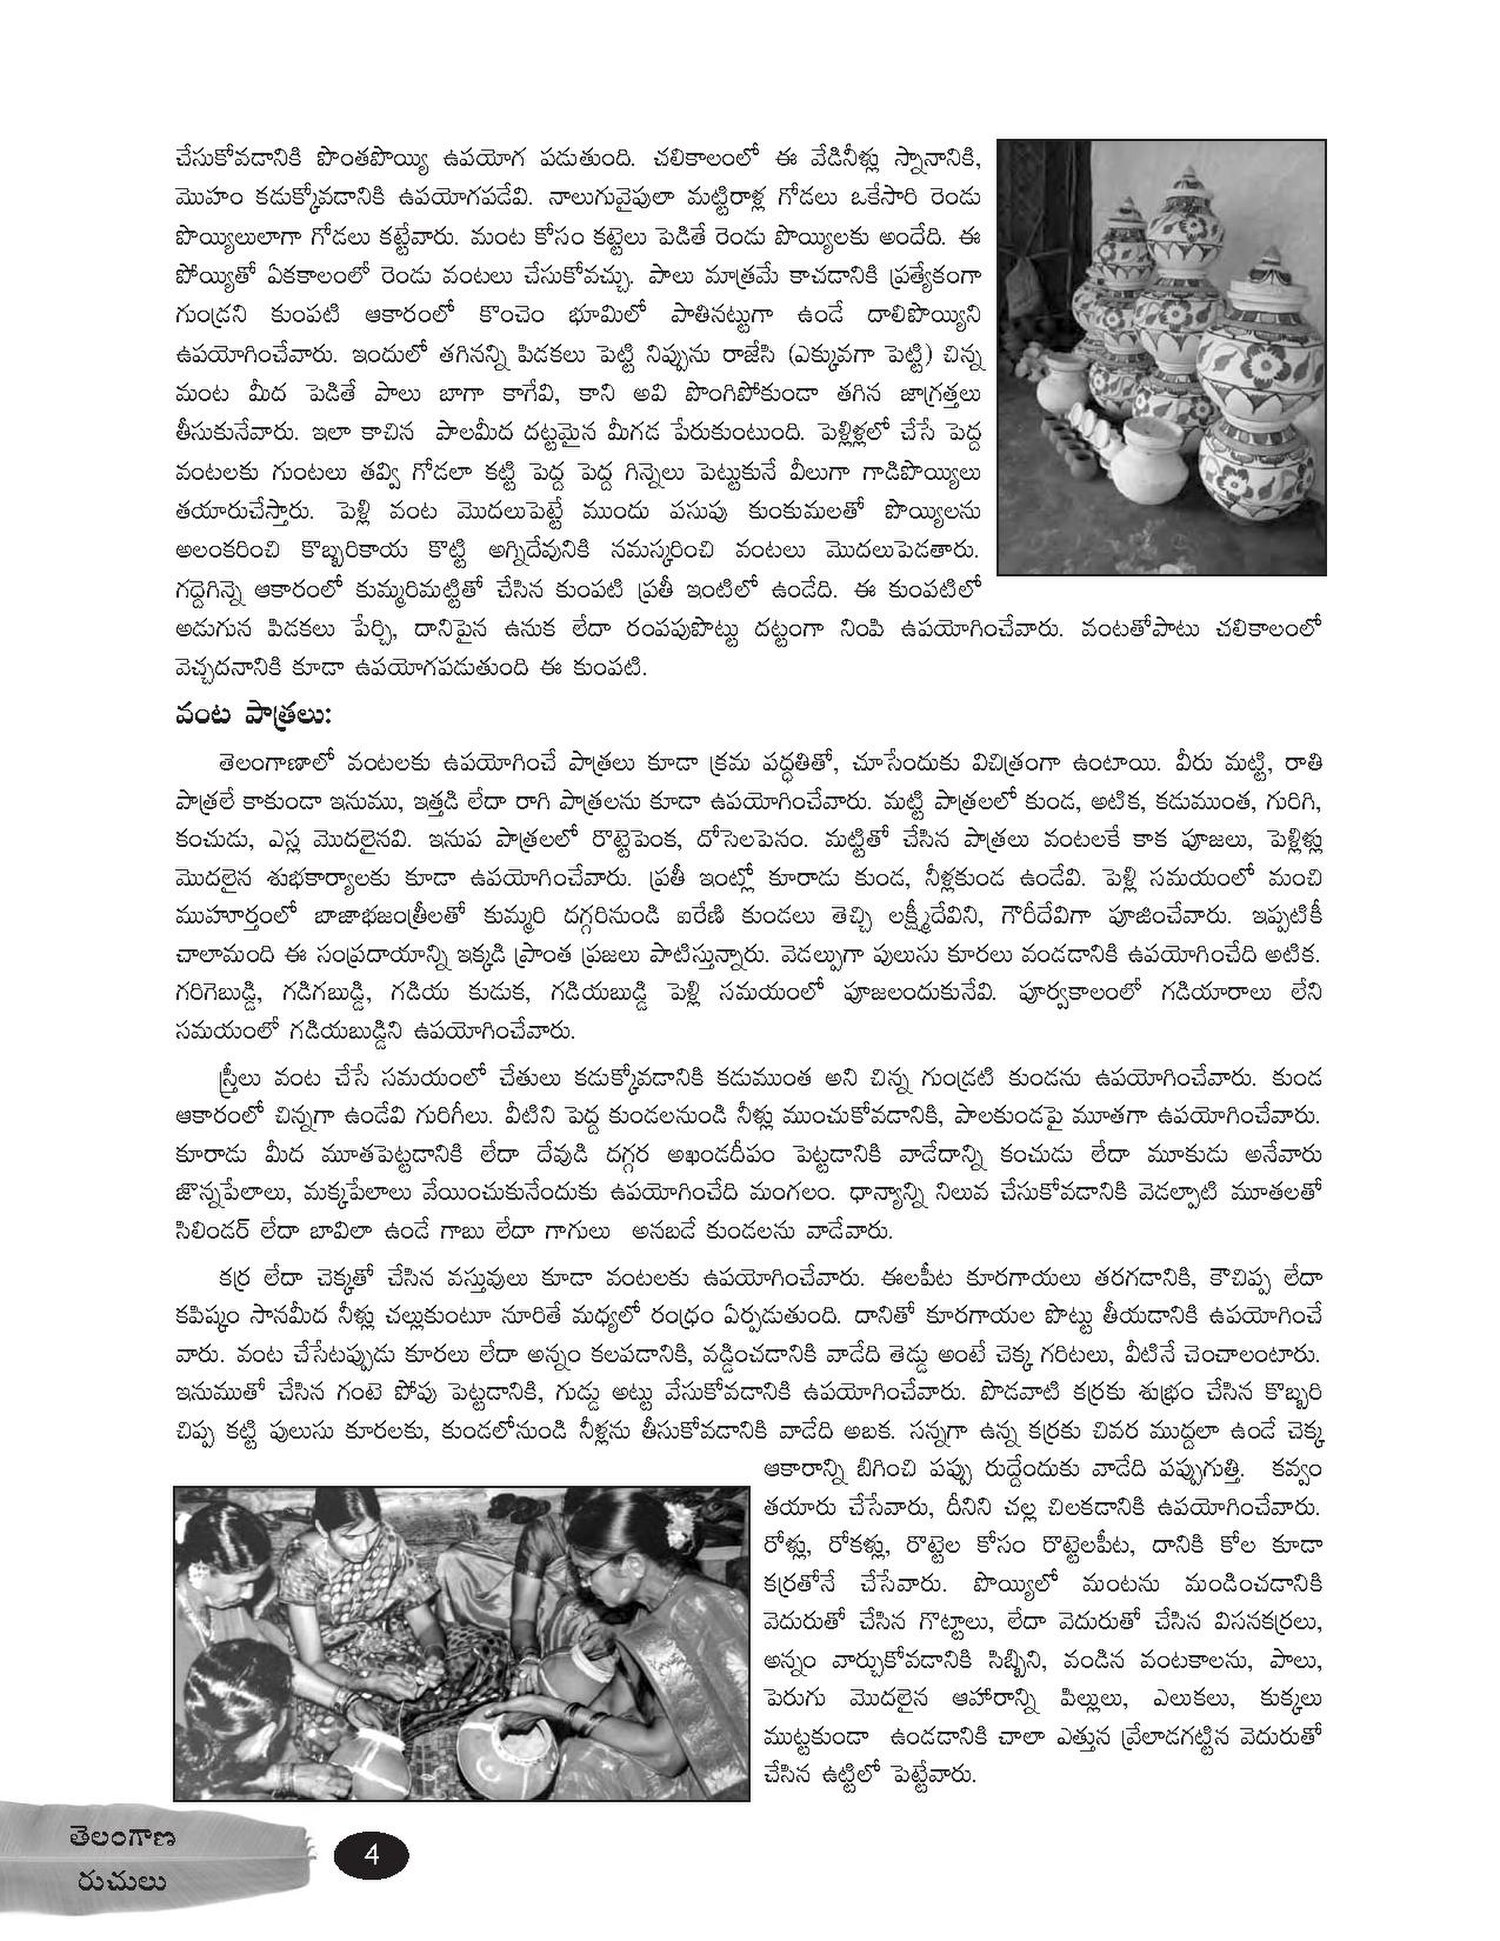చేసుకోవడానికి పొంతపొయ్యి ఉపయోగ పడుతుంది. చలికాలంలో ఈ వేడినీళ్లు స్నానానికి, మొహం కడుక్కోవడానికి ఉపయోగపడేవి. నాలుగువైపులా మట్టిరాళ్ల గోడలు ఒకేసారి రెండు పొయ్యిలులాగా గోడలు కట్టేవారు. మంట కోసం కట్టెలు పెడితే రెండు పొయ్యిలకు అందేది. ఈ పోయ్యితో ఏకకాలంలో రెండు వంటలు చేసుకోవచ్చు. పాలు మాత్రమే కాచడానికి ప్రత్యేకంగా గుండ్రని కుంపటి ఆకారంలో కొంచెం భూమిలో పాతినట్టుగా ఉండే దాలిపొయ్యిని ఉపయోగించేవారు.ఇందులో తగినన్ని పిడకలు పెట్టి నిప్పును రాజేసి (ఎక్కువగా పెట్టి) చిన్న మంట మీద పెడితే పాలు బాగా కాగేవి, కాని అవి పొంగిపోకుండా తగిన జాగ్రత్తలు తీసుకునేవారు. ఇలా కాచిన పాలమీద దట్టమైన మీగడ పేరుకుంటుంది. పెళ్లిళ్లలో చేసే పెద్ద వంటలకు గుంటలు తవ్వి గోడలా కట్టి పెద్ద పెద్ద గిన్నెలు పెట్టుకునే వీలుగా గాడిపొయ్యిలు తయారుచేస్తారు. పెళ్లి వంట మొదలుపెట్టే ముందు పసుపు కుంకుమలతో పొయ్యిలను అలంకరించి కొబ్బరికాయ కొట్టి అగ్నిదేవునికి నమస్కరించి వంటలు మొదలుపెడతారు. గద్దెగిన్నె ఆకారంలో కుమ్మరిమట్టితో చేసిన కుంపటి ప్రతీ ఇంటిలో ఉండేది. ఈ కుంపటిలో అడుగున పిడకలు పేర్చి, దానిపైన ఉనుక లేదా రంపపుపొట్టు దట్టంగా నింపి ఉపయోగించేవారు. వంటతోపాటు చలికాలంలో వెచ్చదనానికి కూడా ఉపయోగపడుతుంది ఈ కుంపటి.

వంట పాత్రలు:

తెలంగాణాలో వంటలకు ఉపయోగించే పాత్రలు కూడా క్రమ పద్దతితో, చూసేందుకు విచిత్రంగా ఉంటాయి. వీరు మట్టి, రాతి పాత్రలే కాకుండా ఇనుము, ఇత్తడి లేదా రాగి పాత్రలను కూడా ఉపయోగించేవారు. మట్టి పాత్రలలో కుండ, అటిక, కడుముంత, గురిగి, కంచుడు, ఎస్ల మొదలైనవి. ఇనుప పాత్రలలో రొట్టెపెంక, దోసెలపెనం. మట్టితో చేసిన పాత్రలు వంటలకే కాక పూజలు, పెళ్లిళ్లు మొదలైన శుభకార్యాలకు కూడా ఉపయోగించేవారు. ప్రతీ ఇంట్లో కూరాడు కుండ, నీళ్లకుండ ఉండేవి. పెళ్లి సమయంలో మంచి ముహూర్తంలో బాజాభజంత్రీలతో కుమ్మరి దగ్గరినుండి ఐరేణి కుండలు తెచ్చి లక్ష్మీదేవిని, గౌరీదేవిగా పూజించేవారు. ఇప్పటికీ చాలామంది ఈ సంప్రదాయాన్ని ఇక్కడి ప్రాంత ప్రజలు పాటిస్తున్నారు. వెడల్పుగా పులుసు కూరలు వండడానికి ఉపయోగించేది అటిక. గరిగెబుడ్డి, గడిగబుడ్డి, గడియ కుడుక, గడియబుడ్డి పెళ్లి సమయంలో పూజలందుకునేవి. పూర్వకాలంలో గడియారాలు లేని సమయంలో గడియబుడ్డిని ఉపయోగించేవారు.

స్త్రీలు వంట చేసే సమయంలో చేతులు కడుక్కోవడానికి కుడుముంత అని చిన్న గుండ్రటి కుండను ఉపయోగించేవారు. కుండ ఆకారంలో చిన్నగా ఉండేవి గురిగీలు. వీటిని పెద్ద కుండలనుండి నీళ్లు ముంచుకోవడానికి, పాలకుండపై మూతగా ఉపయోగించేవారు. కూరాడు మీద మూతపెట్టడానికి లేదా దేవుడి దగ్గర అఖండదీపం పెట్టడానికి వాడేదాన్ని కంచుడు లేదా మూకుడు అనేవారు జొన్నపేలాలు, మక్కపేలాలు వేయించుకునేందుకు ఉపయోగించేది మంగలం. ధాన్యాన్ని నిలువ చేసుకోవడానికి వెడల్పాటి మూతలతో సిలిండర్ లేదా బావిలా ఉండే గాబు లేదా గాగులు అనబడే కుండలను వాడేవారు.

కర్ర లేదా చెక్కతో చేసిన వస్తువులు కూడా వంటలకు ఉపయోగించేవారు. ఈలపీట కూరగాయలు తరగడానికి, కౌచిప్ప లేదా కపిష్కం సానమీద నీళ్లు చల్లుకుంటూ నూరితే మధ్యలో రంధ్రం ఏర్పడుతుంది. దానితో కూరగాయల పొట్టు తీయడానికి ఉపయోగించే వారు. వంట చేసేటప్పుడు కూరలు లేదా అన్నం కలపడానికి, వడ్డించడానికి వాడేది తెడ్డు అంటే చెక్క గరిటలు, వీటినే చెంచాలంటారు. ఇనుముతో చేసిన గంటె పోపు పెట్టడానికి, గుడ్డు అట్టు వేసుకోవడానికి ఉపయోగించేవారు. పొడవాటి కర్రకు శుభ్రం చేసిన కొబ్బరి చిప్ప కట్టి పులుసు కూరలకు, కుండలోనుండి నీళ్లను తీసుకోవడానికి వాడేది అబక. సన్నగా ఉన్న కర్రకు చివర ముద్దలా ఉండే చెక్క ఆకారాన్ని బిగించి పప్పు రుద్దేందుకు వాడేది పప్పుగుత్తి. కవ్వం తయారు చేసేవారు, దీనిని చల్ల చిలకడానికి ఉపయోగించేవారు. రోళ్లు, రోకళ్లు, రొట్టెల కోసం రొట్టెలపీట, దానికి కోల కూడా కర్రతోనే చేసేవారు. పొయ్యిలో మంటను మండించడానికి వెదురుతో చేసిన గొట్టాలు, లేదా వెదురుతో చేసిన విసనకర్రలు, అన్నం వార్చుకోవడానికి సిబ్బిని, వండిన వంటకాలను, పాలు, పెరుగు మొదలైన ఆహారాన్ని పిల్లులు, ఎలుకలు, కుక్కలు ముట్టకుండా ఉండడానికి చాలా ఎత్తున వ్రేలాడగట్టిన వెదురుతో చేసిన ఉట్టిలో పెట్టేవారు.